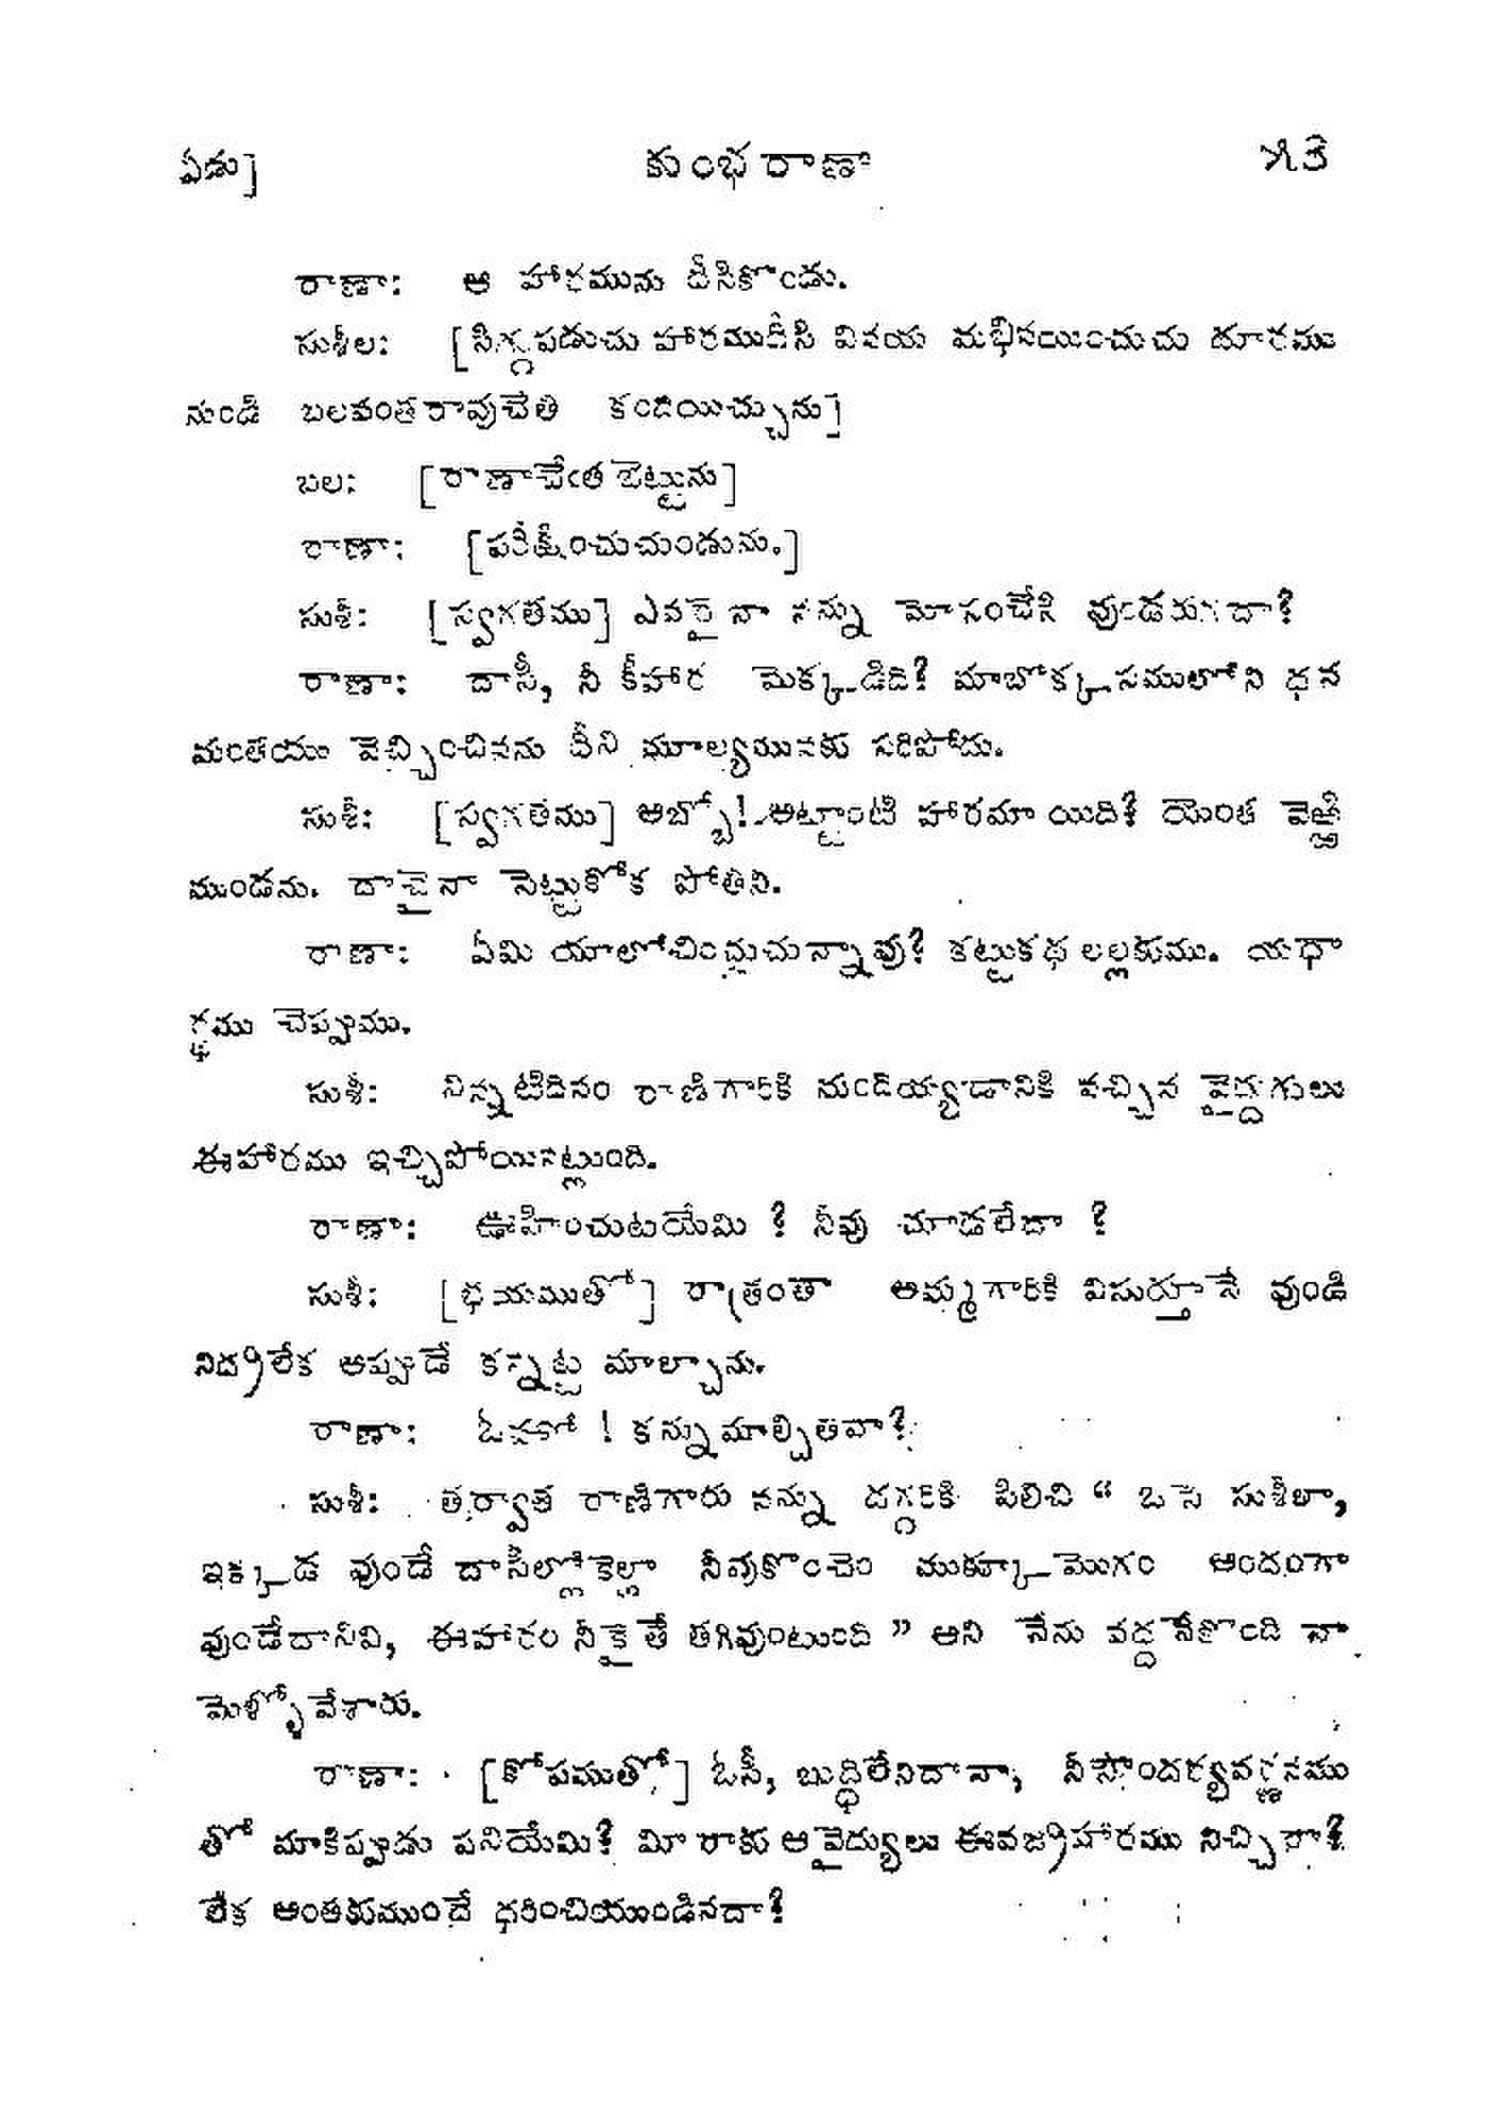రాణా : ఆ హారమును దీసికొండు.

సుశీల : [సిగ్గుపడుచు హారముదీసి వినయ మభినయించుచు దూరము నుండి బలవంతరావుచేతి కందియిచ్చును]

బల : [రాణాచేఁత బెట్టును]

రాణా : [పరీక్షించుచుండును.]

సుశీ : [స్వగతము] ఎవరైనా నన్ను మోసంచేసి వుండరుగదా ?

రాణా : దాసీ, నీ కీహార మెక్కడిది ? మాబొక్కసములోని ధనమంతయు వెచ్చించినను దీని మూల్యమునకు సరిపోదు.

సుశీ : [స్వగతము] అబ్బో! అట్టాంటి హారమా యిది ? యెంత వెఱ్ఱి ముండను. దాచైనా పెట్టుకోక పోతిని.

రాణా : ఏమి యాలోచించుచున్నావు ? కట్టుకథ లల్లకుము. యధార్థము చెప్పుము.

సుశీ : నిన్నటిదినం రాణిగారికి మందియ్యడానికి వచ్చిన వైద్దుగులు ఈహారము ఇచ్చిపోయినట్లుంది.

రాణా : ఊహించుటయేమి ? నీవు చూడలేదా ?

సుశీ : [భయముతో] రాత్రంతా అమ్మగారికి విసుర్తూనే వుండి నిద్రలేక అప్పుడే కన్నట్ట మాల్చాను.

రాణా : ఓహో ! కన్నుమాల్చితివా ?

సుశీ : తర్వాత రాణిగారు నన్ను దగ్గరికి పిలిచి "ఒసె సుశీలా, ఇక్కడ వుండే దాసీల్లోకెల్లా నీవుకొంచెం ముక్కూ మొగం అందంగా వుండేదానివి, ఈహారం నీకైతే తగివుంటుంది" అని నేను వద్దనేకొంది నా మెళ్ళోవేశారు.

రాణా : [కోపముతో] ఓసీ, బుద్ధిలేనిదానా, నీసౌందర్యవర్ణనముతో మాకిప్పుడు పనియేమి ? మీరాకు ఆవైద్యులు ఈవజ్రహారము నిచ్చిరా? లేక అంతకుముందే ధరించియుండినదా ?